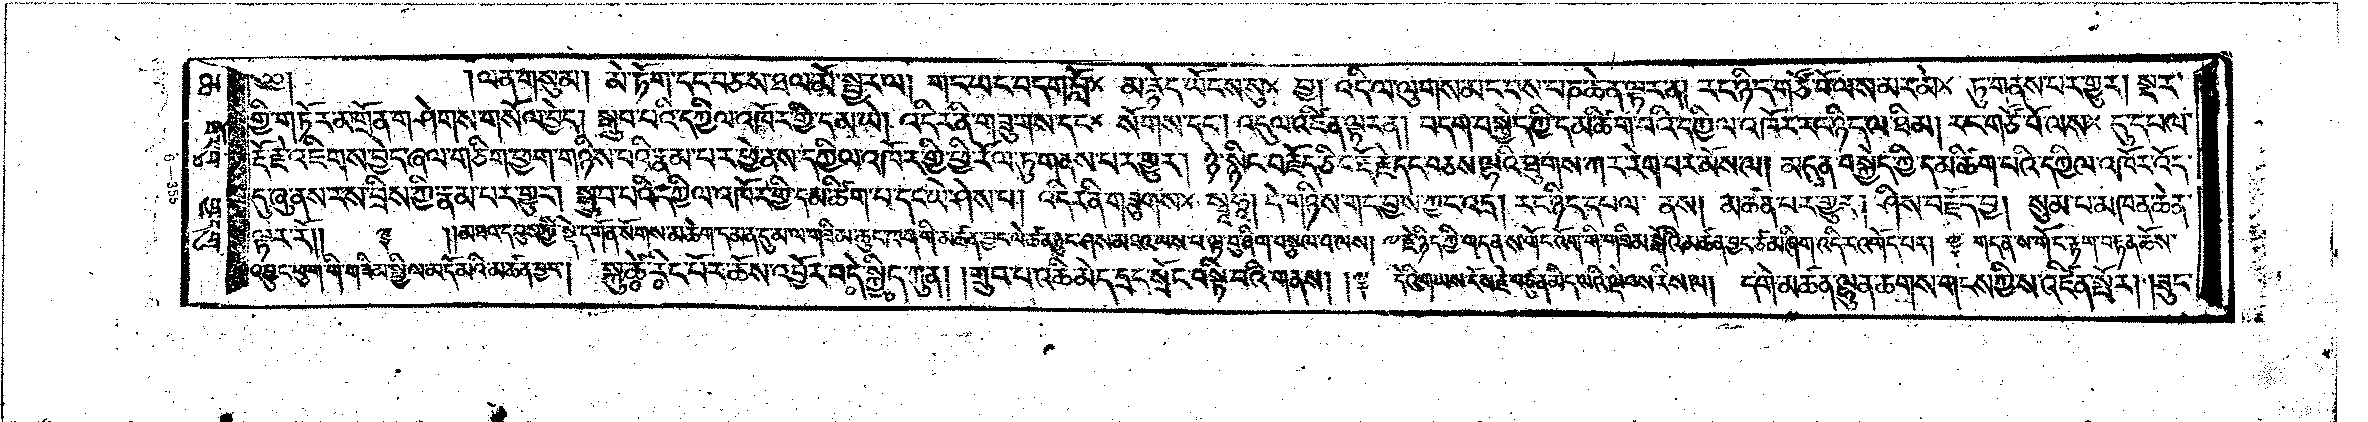༄༅། །ལན་གསུམ། མེ་ཏོག་དང་བཅས་ཐལ་མོ་སྦྱར་ལ། གང་ཡང་བདག་བློ་྾་མ་རྙེད་ཡོངས་སུ་྾་བྱ། འདི་ལ་ལུགས་མང་བས་པཎ་ཆེན་ལྟར་ན། རང་ཉིད་གཙོ་བོ་ལས་མར་མེ་྾་ཏུ་གནས་པར་གྱུར། སྔར་
གྱི་གཏོར་མགྲོན་གཤེགས་གསོལ་བྱེད། སྒྲུབ་པའི་དཀྱིལ་འཁོར་གྱི་དམ་ཡེ། འདིར་ནི་གཟུགས་དང་྾་སོགས་དང་། འདུལ་འཛིན་ལྟར་ན། བདག་བསྐྱེད་ཀྱི་དམ་ཚིག་པའི་དཀྱིལ་འཁོར་རང་ཉིད་ལ་ཐིམ། རང་གཙོ་བོ་ལས་྾་དུ་དཔལ་
རྡོ་རྗེ་འཇིགས་བྱེད་ཞལ་གཅིག་ཕྱག་གཉིས་པའི་རྣམ་པར་ཕྱེ་ནས་དཀྱིལ་འཁོར་གྱི་ཕྱི་རོལ་ཏུ་གནས་པར་གྱུར། ཉེ་སྙིང་བརྗོད་ཅིང་རྡོ་རྗེ་དང་བཅས་ལྷའི་ཐུགས་ཀར་རེག་པར་མོས་ལ། མདུན་བསྐྱེད་ཀྱི་དམ་ཚིག་པའི་དཀྱིལ་འཁོར་འོད་
དུ་ཞུ་ནས་རས་བྲིས་ཀྱི་རྣམ་པར་གྱུར། སྒྲུབ་པའི་དཀྱིལ་འཁོར་གྱི་དམ་ཚིག་པ་དང་ཡེ་ཤེས་པ། འདིར་ནི་གཟུགས་྾་སྭཱཧཱ། དེ་གཉིས་གང་བྱས་ཀྱང་འདྲ། རང་ཉིད་དཔལ་ནས། མཚན་པར་གྱུར། ཤིས་བརྗོད་བྱ། སུམ་པ་མཁན་ཆེན་
ལྟར་རོ།། ༈ །།མཐའ་དབུས་ཀྱི་སྡེ་དགོན་སོགས་མཆེག་དམན་དུ་མ་ལ་གཟིམ་ཆུང་ཁག་གི་མཚན་བྱང་ལེ་ཚན་ཉུང་ཤས་མཐའ་ཡས་པ་ལྟ་བུ་ཞིག་བསྩལ་བ་ལས། ༧རྗེ་ཉིད་ཀྱི་གདན་ས་གོང་འོག་གི་གཟིམ་སྒོའི་མཚན་བྱང་ཙམ་ཞིག་འདིར་འགོད་བར། ༈ གདན་ས་གོང་རྟག་བརྟན་ཆོས་
འབྱུང་ཕུག་གི་གཟིམ་སྤྱི་ལ་མདོ་མའི་མཚན་བྱང་། སྐུ་ཚེ྾་རིང྾་པོར་ཆོས་འབྱོར་བདེ྾་སྐྱིད྾་ཀུན། །གྲུབ་པ་འཆི་མེད་དྲང་སྲོང་བསྟི་བའི་གནས། །༈ དེའི་གཡས་རྡོ་ཝ་རྗེ་བཙུན་མིད་ལའི་ལྡེབས་རིས་ལ།  དགེ་མཚན་ལྷུན་ཆགས་གངས་ཀྱིས་འཛིན་སྤོར། །ཟུང་